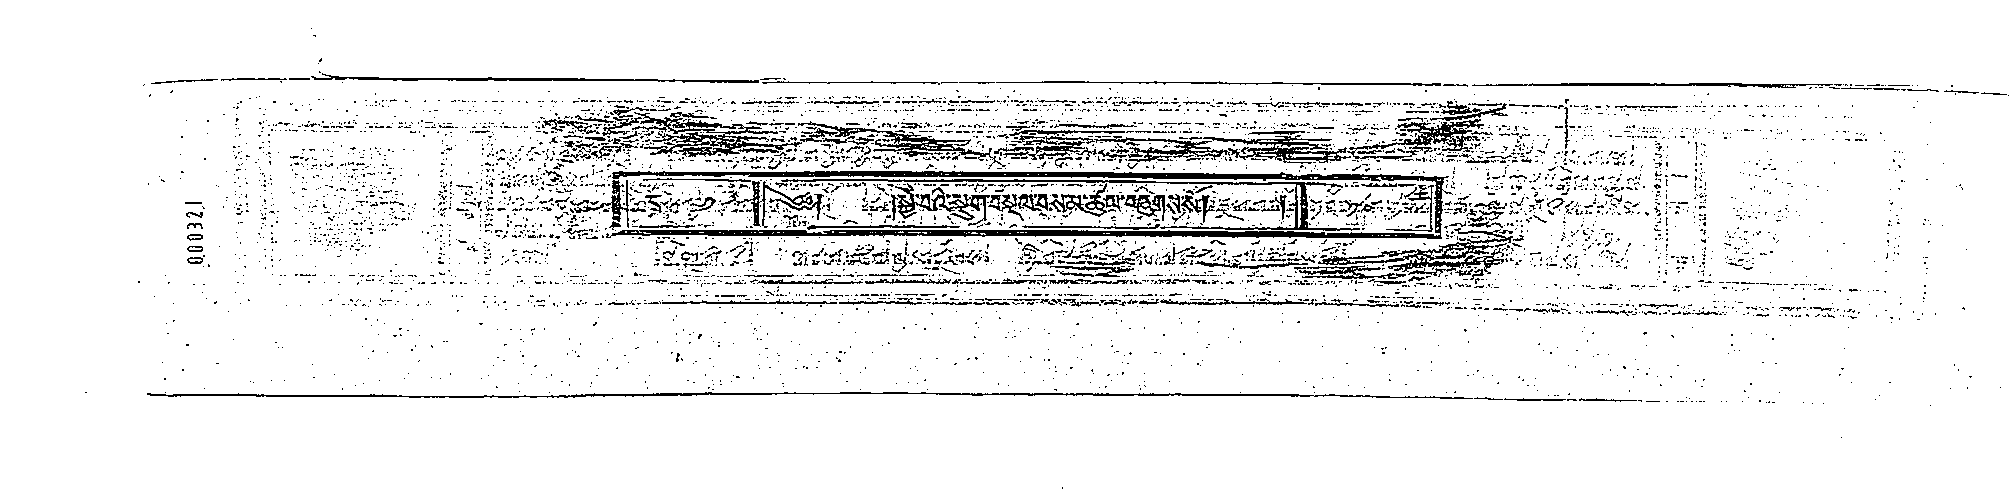ང ༡༡?
༄༅། །སྐྱེ་བའི་སྡུག་བསྔལ་བསམ་ཚུལ་བཞུགས་སོ། །